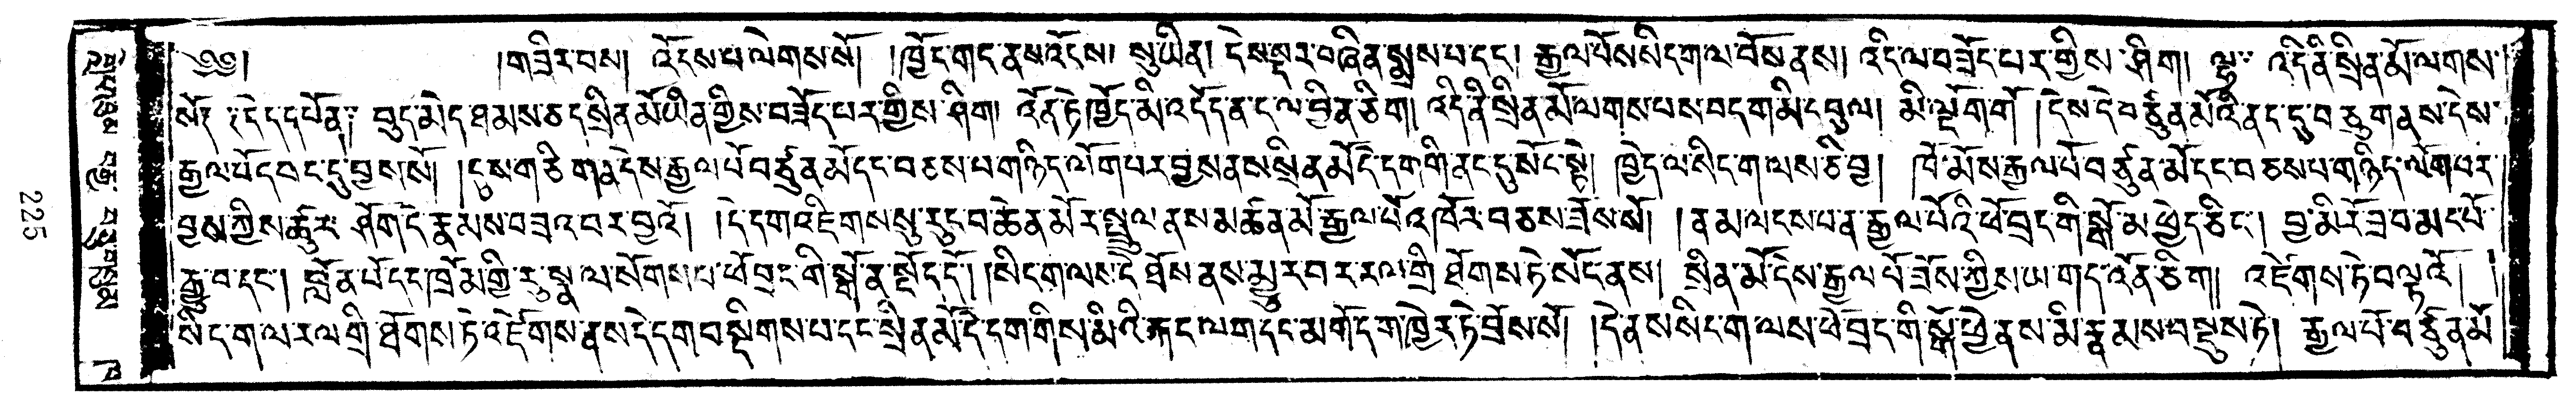༄༅། །གཟིར་བས། འོངས་པ་ལེགས་སོ། །ཁྱོད་གང་ནས་འོངས། སུ་ཡིན། དེས་སྔར་བཞིན་སྨྲས་པ་དང་། རྒྱལ་པོས་སིད་ག་ལ་བོས་ནས། འདི་ལ་བཟོད་པར་གྱིས་ཤིག། ལྷ་འདི་ནི་སྲིན་མོ་ལགས་
སོ༑ ༑དེད་དཔོན༑ བུད་མེད་ཐམས་ཅད་སྲིན་མོ་ཡིན་གྱིས་བཟོད་པར་གྱིས་ཤིག། འོན་ཏེ་ཁྱོད་མི་འདོད་ན་ང་ལ་བྱིན་ཅིག། འདི་ནི་སྲིན་མོ་ལགས་པས་བདག་མི་དབུལ། མི་ལྡོག་གོ །དེས་དེ་བཙུན་མོའི་ནང་དུ་བཅུ་གནས་དེས་
རྒྱལ་པོ་དབང་དུ་བྱས་སོ། །དུས་གཅིག་ན་དེས་རྒྱལ་པོ་བཙུན་མོ་དང་བཅས་པ་གཉིད་ལོག་པར་བྱས་ནས་སྲིན་མོ་དེ་དག་གི་ནང་དུ་སོང་སྟེ། ཁྱེད་ལ་སིང་ག་ལས་ཅི་བྱ། ཁོ་མོས་རྒྱལ་པོ་བཙུན་མོ་དང་བཅས་པ་གཉིད་ལོག་པར་
བྱས་ཀྱིས་ཚུར་ཤོག་དེ་རྣམས་བཟའ་བར་བྱའོ། །དེ་དག་འཇིགས་སུ་རུང་བ་ཆེན་མོར་སྤྲུལ་ནས་མཚན་མོ་རྒྱལ་པོ་འཁོར་བཅས་ཟོས་སོ། །ནམ་ལངས་པ་ན་རྒྱལ་པོའི་ཕོ་བྲང་གི་སྒོ་མ་ཕྱེད་ཅིང་། བྱ་མི་རོ་ཟ་བ་མང་པོ་
རྒྱུ་བ་དང་། བློན་པོ་དང་ཁྲོམ་གྱི་རུ་སྣ་ལ་སོགས་པ་ཕོ་བྲང་གི་སྒོ་ན་སྔོད་དོ། །སིང་ག་ལས་དེ་ཐོས་ནས་མྱུར་བར་རལ་གྲི་ཐོགས་ཏེ་སོང་ནས། སྲིན་མོ་དེས་རྒྱལ་པོ་ཟོས་ཀྱིས་ཡ་གད་འོན་ཅིག། འཛེགས་ཏེ་བལྟའོ། །
སིང་ག་ལ་རལ་གྲི་ཐོགས་ཏེ་འཛེགས་ནས་དེ་དག་བསྡིགས་པ་དང་སྲིན་མོ་དེ་དག་གིས་མིའི་རྐང་ལག་དང་མགོ་དང་ཁྱེར་ཏེ་བྲོས་སོ། །དེ་ནས་སིང་ག་ལས་ཕོ་བྲང་གི་སྒོ་ཕྱེ་ནས་མི་རྣམས་བསྡུས་ཏེ། རྒྱལ་པོ་བཙུན་མོ་